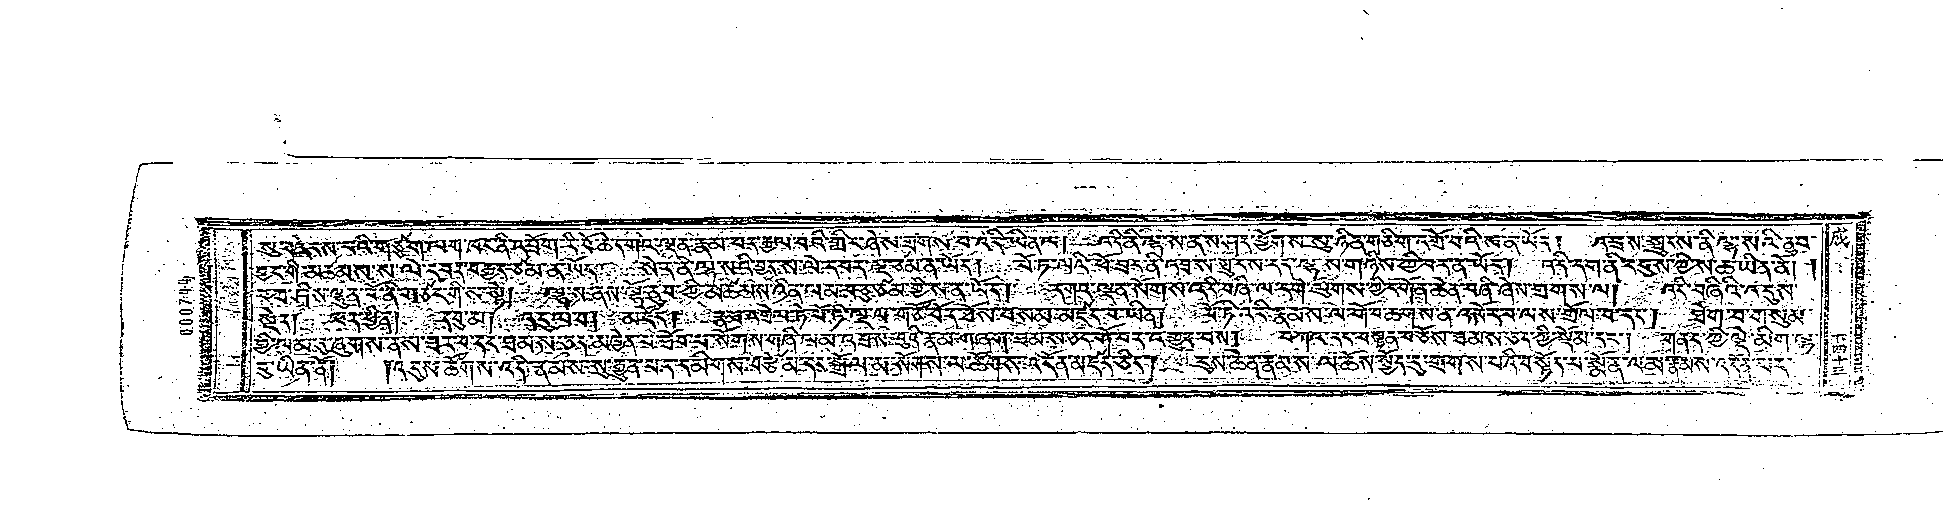སུ་བཞེངས་པའི་གཙུག་ལག་ཁང་ནི་འབྲོག་རི་བོ་ཆེ་དགའ་ལྡན་རྣམ་པར་རྒྱལ་བའི་གླིང་ཞེས་གྲགས་པ་འདི་ཡིན་ལ། འདི་ནི་ལྷ་ས་ནས་ཤར་ཕྱོགས་སུ་ཉིན་གཅིག་འགྲོ་བའི་ས་ན་ཡོད། འབྲས་སྤུངས་ནི་ལྷ་སའི་ནུབ་
བྱང་གི་མཚམས་ས་ལེ་དབར་བརྒྱད་ཙམ་ན་ཡོད། སེ་ར་ནི་ལྷ་སའི་བྱངས་ལེ་དབར་ལྔ་ཙམ་ན་ཡོད། པོ་ཏ་ལའི་ཕོ་བྲང་ནི་འབྲས་སྤུངས་དང་ལྷ་ས་གཉིས་ཀྱི་བར་ན་ཡོད། འདི་དག་ནི་དབུས་ཀྱི་ས་ཆ་ཡིན་ནོ། །
བཀྲ་ཤིས་ལྷུན་པོ་ནི་གཙང་གིས་སྟེ། ལྷ་ས་ནས་ལྷོ་ནུབ་ཀྱི་མཚམས་ཉིན་ལམ་བཅུ་ཙམ་གྱིས་ན་ཡོད། དགའ་ལྡན་སོགས་འདི་བཞི་ལ་དགེ་ལུགས་ཀྱི་དགོན་ཆེན་བཞི་ཞེས་གྲགས་ལ། འདི་བཞིའི་འདུས་
སྡེར། ཕར་ཕྱིན། དབུ་མ། འདུལ་བ། མཛོད། རྣམ་འགྲེལ་ཏེ་པོ་ཏི་ལྔ་ལ་གཙོ་བོར་ཐོས་བསམ་མཛད་པ་ཡིན། པོ་ཏི་འདི་རྣམས་ལ་གོ་བ་ཆགས་ན་འཁོར་བ་ལས་གྲོལ་བ་དང་། ཐེག་པ་གསུམ་
གྱི་ལམ་དུ་ཞུགས་ནས་ཐར་པ་དང་ཐམས་ཅད་མཁྱེན་པ་ཐོབ་པ་སོགས་གཞི་ལམ་འབྲས་བུའི་རྣམ་གཞག་ཐམས་ཅད་གོ་བར་འགྱུར་བས། བཀའ་དང་བསྟན་བཅོས་ཐམས་ཅད་ཀྱི་སྡོམ་དང་། གནད་ཀྱི་ལྡེ་མིག་ལྟ་
བུ་ཡིན་ནོ། །འདུས་ཚོགས་འདི་རྣམས་སུ་རྒྱུན་པར་དམིགས་བརྩེ་མ་དང་སྒྲོལ་མ་སོགས་ལ་ཚོག་འདོན་མཛད་ཅིང་། དུས་ཆེན་རྣམས་ལ་ཆོས་སྤྱོད་དུ་གྲགས་པའི་བསྟོད་པ་སྨོན་ལམ་རྣམས་འདོན་པར་